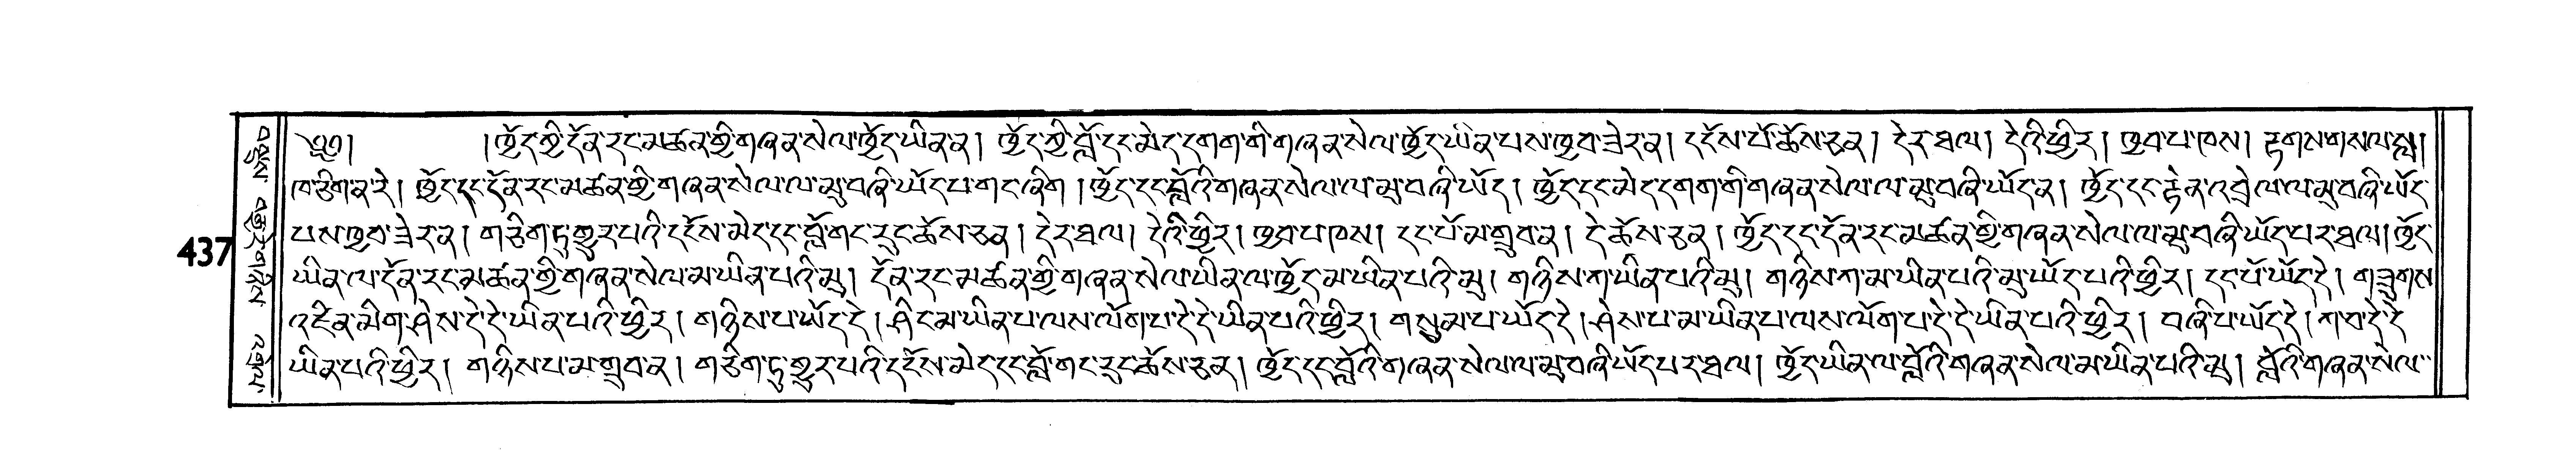༄༅། །ཁྱོད་ཀྱི་དོན་རང་མཚན་གྱི་གཞན་སེལ་ཁྱོད་ཡིན་ན། ཁྱོད་ཀྱི་བློ་དང་མེད་དགག་གི་གཞན་སེལ་ཁྱོད་ཡིན་པས་ཁྱབ་ཟེར་ན། དངོས་པོ་ཆོས་ཅན། དེར་ཐལ། ཁྱབ་པ་ཁས། རྟགས་གསལ་སླ།
ཁ་ཅིག་ན་རེ། ཁྱོད་རང་དོན་རང་མཚན་གྱི་གཞན་སེལ་ལ་མུ་བཞི་ཡོད་པ་པ་གང་ཞིག། ཁྱོད་དང་བློའི་གཞན་སེལ་ལ་མུ་བཞི་ཡོད། ཁྱོད་དང་མེད་དགག་གི་གཞན་སེལ་ལ་མུ་བཞི་ཡོ་དེ་ན། ཁྱོད་དང་རྟེན་འབྲེལ་ལ་མུ་བཞི་ཡོད་
པས་ཁྱབ་ཟེར་ན། གཅིག་ཏུ་གྱུར་པའི་དངོས་མེད་དང་བློ་གང་རུང་ཆོས་ཅན། དེར་ཐལ། དེའི་ཕྱིར། ཁྱབ་པ་ཁས། དང་པོ་མ་གྲུབ་ན། དེ་ཆོས་ཅན། ཁྱོད་དང་དོན་རང་མཚན་གྱི་གཞན་སེལ་ལ་མུ་བཞི་ཡོད་པར་ཐལ། ཁྱོད་
ཡིན་ལ་དོན་རང་མཚན་གྱི་གཞན་སེལ་མ་ཡིན་པའི་མུ། དོན་རང་མཚན་གྱི་གཞན་སེལ་ཡིན་ལ་ཁྱོད་མ་ཡིན་པའི་མུ། གཉིས་ཀ་ཡིན་པའི་མུ། གཉིས་ཀ་མ་ཡིན་པའི་མུ་ཡོད་པའི་ཕྱིར། དང་པོ་ཡོད་དེ། གཟུགས་
འཛིན་མིག་ཤེས་དེ་དེ་ཡིན་པའི་ཕྱིར། གཉིས་པ་ཡོད་དེ། ཤིང་མ་ཡིན་པ་ལས་ལོག་པ་དེ་དེ་ཡིན་པའི་ཕྱིར། གསུམ་པ་ཡོད་དེ། ཤེས་པ་མ་ཡིན་པ་ལས་ལོག་པ་དེ་དེ་ཡིན་པའི་ཕྱིར། བཞི་པ་ཡོད་དེ། ཀ་བ་དེ་དེ་
ཡིན་པའི་ཕྱིར། གཉིས་པ་མ་གྲུབ་ན། གཅིག་ཏུ་གྱུར་པའི་དངོས་མེད་དང་བློ་གང་རུང་ཆོས་ཅན། ཁྱོད་དང་བློའི་གཞན་སེལ་ལ་མུ་བཞི་ཡོད་པར་ཐལ། ཁྱོད་ཡིན་ལ་བློའི་གཞན་སེལ་མ་ཡིན་པའི་མུ། བློའི་གཞན་སེལ་